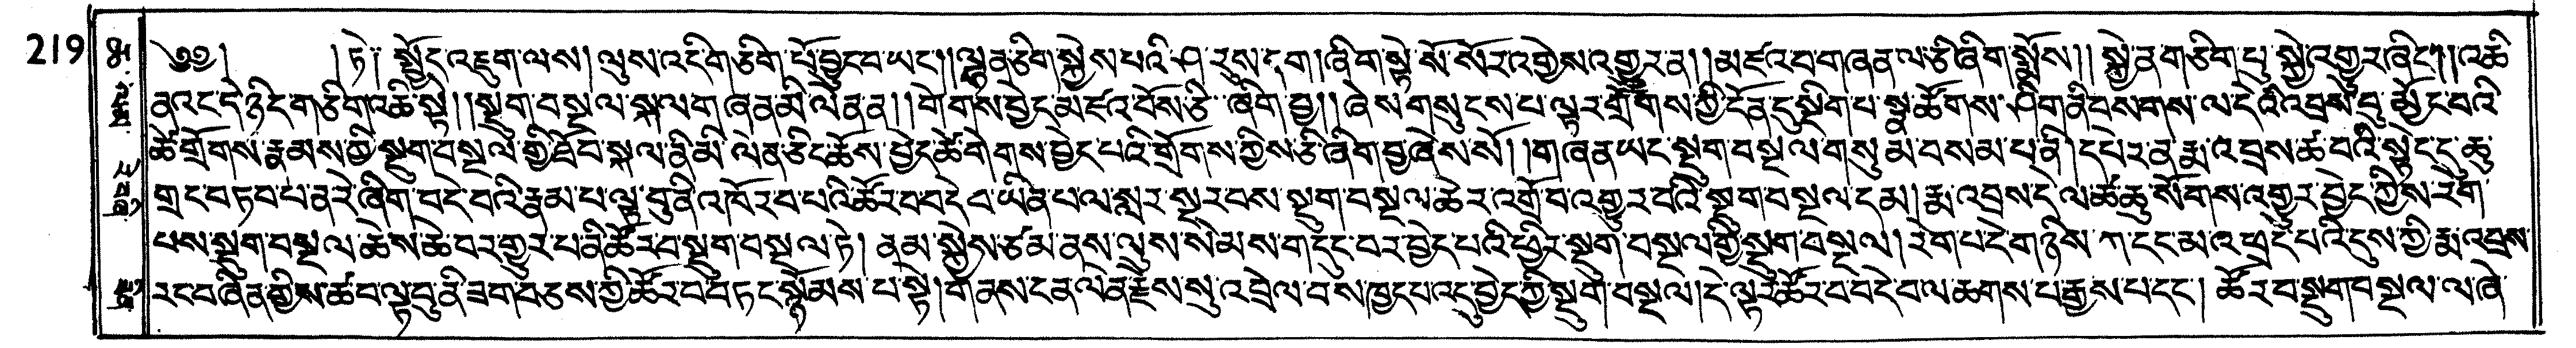༄༅། །ཏེ༑ སྤྱོད་འཇུག་ལས། ལུས་འདི་གཅིག་པོ་བྱུང་བ་ཡང་། །ལྷན་ཅིག་སྐྱེས་པའི་ཤ་རུས་དག །ཞིག་སྟེ་སོ་སོར་འགྱེས་འགྱུར་ན། །མཛའ་བ་གཞན་ལ་ཅི་ཞིག་སྨོས། །སྐྱེ་ན་གཅིག་པུ་སྐྱེ་འགྱུར་ཞིང་། །འཆི་
ནའང་དེ་ཉིད་གཅིག་འཆི་སྟེ། །སྡུག་བསྔལ་སྐལ་གཞན་མི་ལེན་ན། །གེགས་བྱེད་མཛའ་བོས་ཅི་ཞིག་བྱ། །ཞེས་གསུངས་པ་ལྟར་གྲོགས་ཀྱི་དོན་དུ་སྡིག་པ་སྣ་ཚོགས་ཤིག་ནི་བསགས་ལ་དེའི་འབྲས་བུ་མྱོང་བའི་
ཚེ་གྲོགས་རྣམས་ཀྱི་སྡུག་བསྔལ་གྱི་ཐོབ་སྐལ་ནི་མི་ལེན་ཅིང་ཆོས་བྱེད་ཚེ་གེགས་བྱེད་པའི་གྲོགས་ཀྱིས་ཅི་ཞིག་བྱ་ཞེས་སོ། །གཞན་ཡང་སྡུག་བསྔལ་གསུམ་བསམ་པ་ནི། དཔེར་ན་རྨ་འབྲས་ཚ་བའི་སྟེང་དུ་ཆུ་
གྲང་བཏབ་པ་ན་རེ་ཞིག་བདེ་བའི་རྣམ་པ་ལྟ་བུ་ནི་འཁོར་བ་པའི་ཚོར་བ་བདེ་བ་ཡིན་པ་ལ་སླར་སྔར་བས་སྡུག་བསྔལ་ཆེར་འགྲོ་བ་འགྱུར་བའི་སྡུག་བསྔལ་དམ། རྨ་འབྲས་དེ་ལ་ཚ་ཆུ་སོགས་འགྱུར་བྱེད་ཀྱིས་རེག་
པས་སྡུག་བསྔལ་ཆེ་ས་ཆེ་བར་གྱུར་པ་ནི་ཚོར་བ་སྡུག་བསྔལ་ཏེ། ནམ་སྐྱེས་ཙམ་ནས་ལུས་སེམས་གདུང་བར་བྱེད་པའི་ཕྱིར་སྡུག་བསྔལ་གྱི་སྡུག་བསྔལ། རེག་པ་དེ་གཉིས་ཀ་དང་མ་འཕྲད་པའི་དུས་ཀྱི་རྨ་འབྲས་
རང་བཞིན་གྱིས་ཚ་བ་ལྟ་བུ་ནི་ཟག་བཅས་ཀྱི་ཚོར་བ་བཏང་སྙོམས་པ་སྟེ། གནས་ངན་ལེན་རྗེས་སུ་འབྲེལ་བས་ཁྱད་པ་འདུ་བྱེད་ཀྱི་སྡུག་བསྔལ། དེ་ལྟར་ཚོར་བ་བདེ་བ་ལ་ཆགས་པ་རྒྱས་པ་དང་། ཚོར་བ་སྡུག་བསྔལ་ལ་ཞེ་